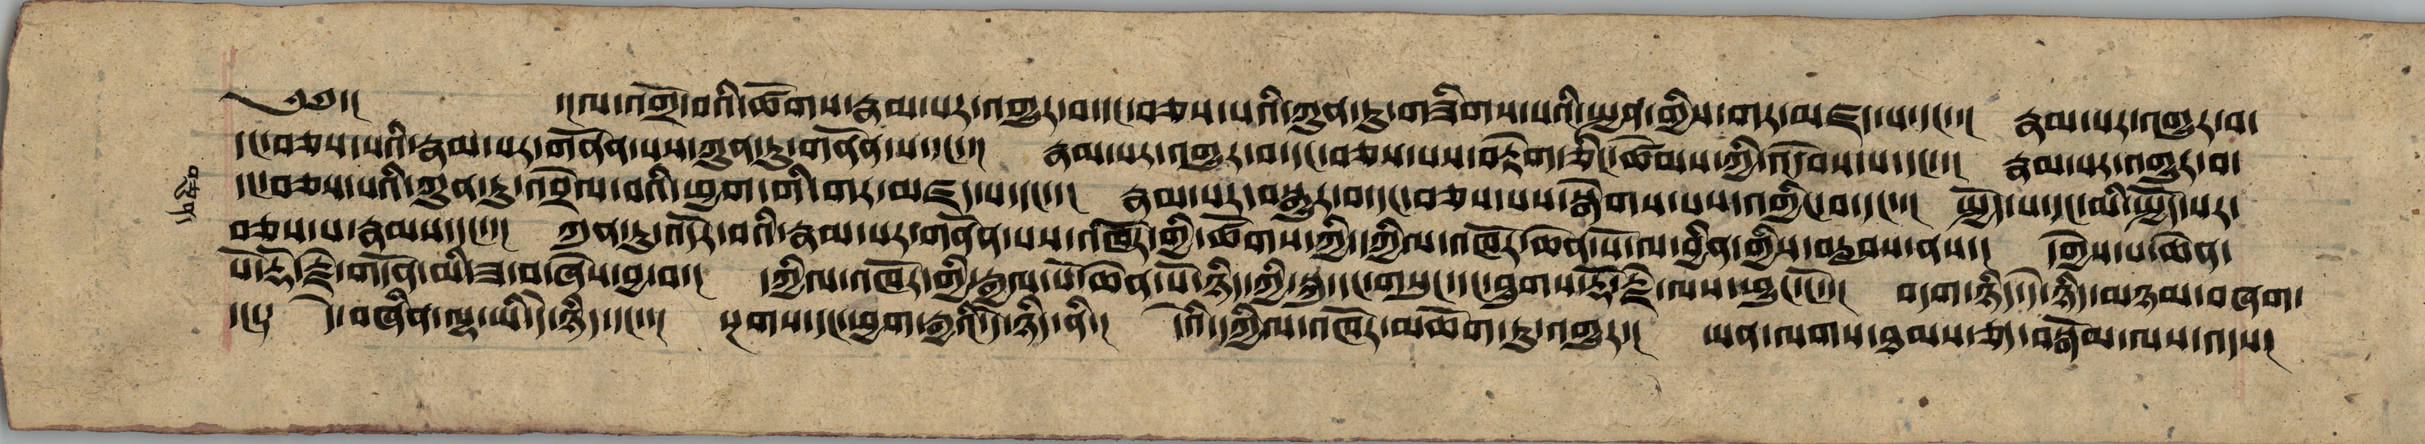༄༅་། ་།ལ་འགྲོ་བའི་ཚོགས་རྣམ་པར་འགྱུར་བ་དང་བཅས་པའི་ཀུན་ཏུ་གཟིགས་པའི་སྤྱན་གྱིས་གར་མཛད་པ་དང་། རྣམ་པར་འགྱུར་བ་
དང་བཅས་པའི་རྣམ་པར་གནོན་པས་ཀུན་ཏུ་གནོན་པ་དང་་། རྣམ་པར་འགྱུར་བ་དང་བཅས་པས་བརྟེག་ཅིང་ཚེམས་ཀྱི་འདེབས་པ་དང་་། རྣམ་པར་འགྱུར་བ་
དང་བཅས་པའི་ཀུན་ཏུ་འབྲེལ་བའི་ཕྱག་གི་གར་མཛད་པ་དང་་། རྣམ་པར་བསྒྱུར་བ་དང་བཅས་པས་སྒེགས་པས་འགྱིང་བ་དང་་། སྤྱོད་པ་དང་མི་སྤྱོད་པར་
བཅས་པ་རྣམས་དང་་། ཀུན་ཏུ་འདོར་བའི་རྣམ་པར་གནོན་པས་འཁོར་གྱི་ཚོགས་ཀྱི་དཀྱིལ་འཁོར་ཆེན་པོ་ལ་བྱིན་གྱིས་བརླབས་ནས་། དགྱེས་པ་ཆེན་
པོ་རྡོ་རྗེ་གདོན་མི་ཟ་བ་ཞེས་བྱ་བ་། དཀྱིལ་འཁོར་གྱི་རྒྱལ་པོ་ཆེན་པོ་ཉིད་ཀྱི་སྐུ་དང་གསུང་དང་ཐུགས་རྡོ་རྗེ་ལས་ཕྱུང་ངོ་་། བདག་ཉིད་དེ་ཉིད་མཉམ་བཞག་
དང་། དེ་བཞིན་ལྷ་ཡི་དེ་ཉིད་དང་་། སྔགས་དང་ཕྱག་རྒྱའི་དེ་ཉིད་ནི་། དེའི་དཀྱིལ་འཁོར་མཆོག་ཏུ་འགྱུར་། ཡན་ལག་ཐམས་ཅད་བསྒོམ་ལས་འདས།